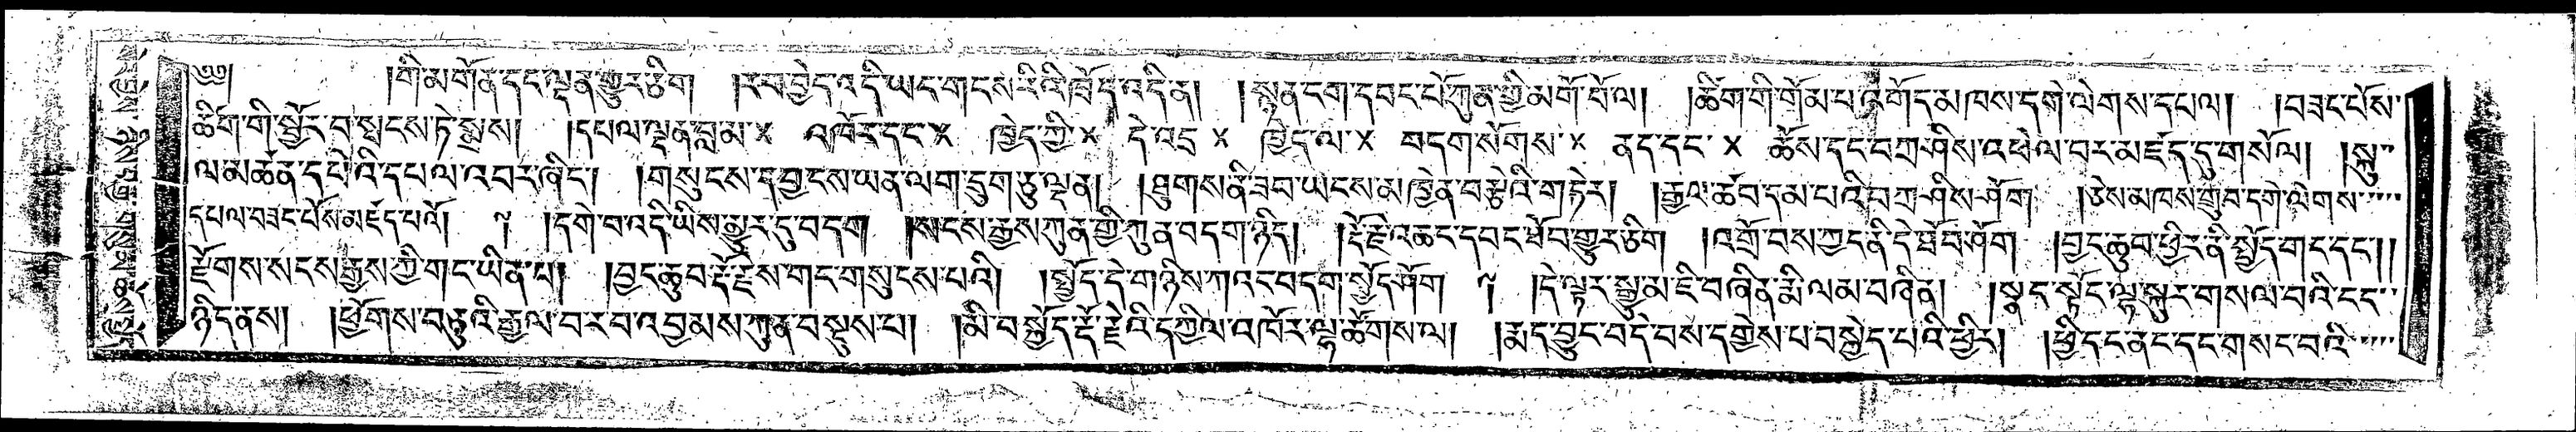༄༅། །གི་མགོན་དང་ལྡན་གྱུར་ཅིག །རབ་བྱེད་འདི་ཡང་གངས་རིའི་ཁྲོད་འདི་ན། །སྙན་ངག་དབང་པོ་ཀུན་གྱི་མགོ་བོ་ལ། །ཚིག་གི་གོམ་པ་འགོད་མཁས་དགེ་ལེགས་དཔལ། །བཟང་པོས་
ཚིག་གི་སྦྱོར་བ་སྤངས་ཏེ་སྨྲས། །དཔལ་ལྡན་བླ་མ་{྾}་འཁོར་དང་{྾}་ཁྱེད་ཀྱི་{྾}་དེ་འདྲ་{྾}་ཁྱེད་ལ་{྾}་བདག་སོགས་{྾}་ནད་དང་{྾}་ཆོས་དང་བཀྲ་ཤིས་འཕེལ་བར་མཛད་དུ་གསོལ། །སྐུ་
ལ་མཚན་དཔེའི་དཔལ་འབར་ཞིང་། །གསུངས་དབྱངས་ཡན་ལག་དྲུག་ཅུ་ལྡན། །ཐུགས་ནི་ཟབ་ཡང་མཁྱེན་བརྩེའི་གཏེར། །རྒྱལ་ཚབ་དམ་པའི་བཀྲ་ཤིས་ཤོག །ཅེས་མཁས་གྲུབ་དགེ་ལེགས་
དཔལ་བཟང་པོས་མཛད་པའོ། ༈ །དགེ་བ་འདི་ཡིས་མྱུར་དུ་བདག །སངས་རྒྱས་ཀུན་གྱི་ཀུན་བདག་ཉིད། །རྡོ་རྗེ་འཆང་དབང་ཐོབ་གྱུར་ཅིག །འགྲོ་བས་ཀྱང་ནི་དེ་ཐོབ་ཤོག །བྱང་ཆུབ་ཕྱིར་ནི་སྤྱོད་གང་དང་། །
རྫོགས་སངས་རྒྱས་ཀྱི་གང་ཡིན་པ། །བྱང་ཆུབ་རྡོ་རྗེས་གང་གསུངས་པའི། །སྤྱོད་དེ་གཉིས་ཀའང་བདག་སྤྱོད་ཤོག ༈ །དེ་ལྟར་སྒྱུ་མ་ཇི་བཞིན་རྨི་ལམ་བཞིན། །སྣང་སྟོང་ལྷ་སྐུར་གསལ་བའི་ངང་
ཉིད་ནས། །ཕྱོགས་བཅུའི་རྒྱལ་བ་རབ་འབྱམས་ཀུན་བསྡུས་པ། །མི་བསྐྱོད་རྡོ་རྗེའི་དཀྱིལ་འཁོར་ལྷ་ཚོགས་ལ། །རྨད་བྱུང་བདེ་བས་དགྱེས་པ་བསྐྱེད་པའི་ཕྱིར། །ཕྱི་དང་ནང་དང་གསང་བའི་